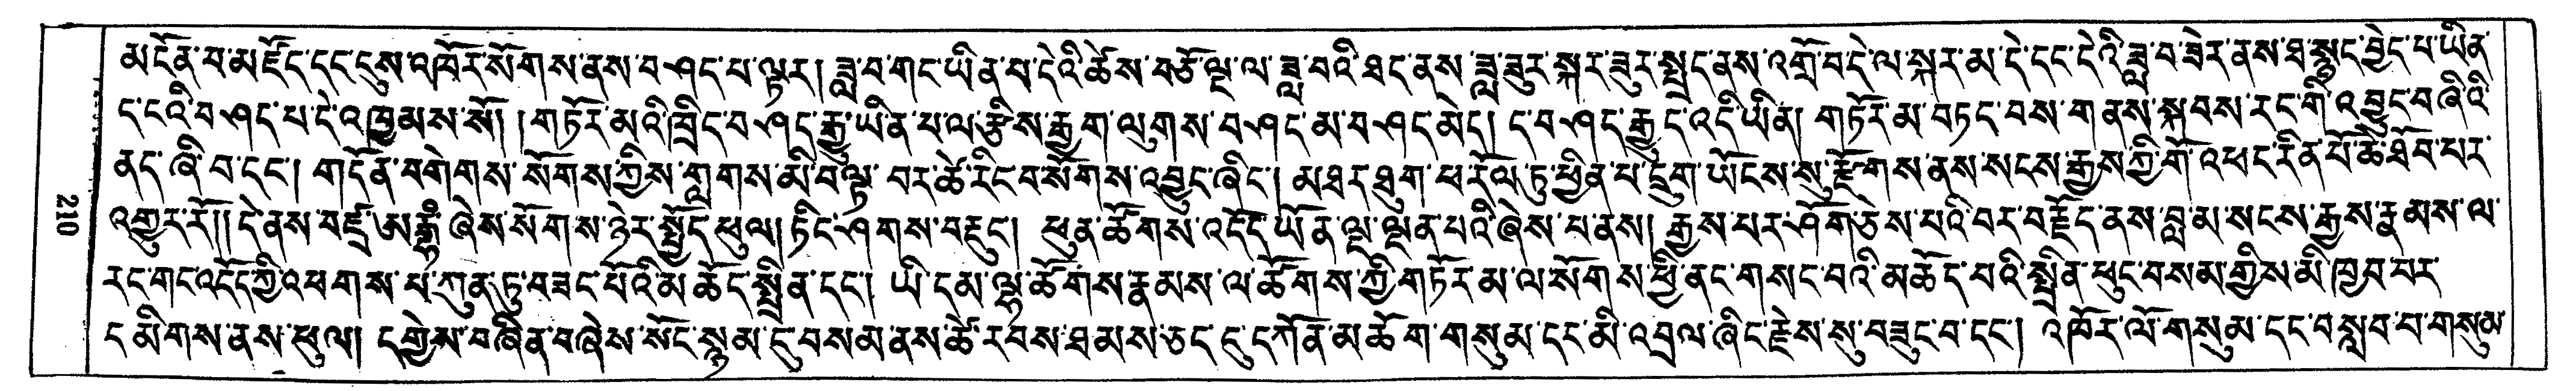མངོན་པ་མཛོད་དང་དུས་འཁོར་སོགས་ནས་བཤད་པ་ལྟར། ཟླ་བ་གང་ཡིན་པ་དེའི་ཚེས་བཅོ་ལྔ་ལ་ཟླ་བའི་ཐད་ནས་ཟླ་ཟུར་སྐར་ཟུར་སྤྲད་ནས་འགྲོ་བ་དེ་ལ་སྐར་མ་དེ་དང་དེའི་ཟླ་བ་ཟེར་ནས་ཐ་སྙད་བྱེད་པ་ཡིན།
ད་ངའི་བཤད་པ་དེ་འཁྱམས་སོ། །གཏོར་མའི་འཁྲིད་བཤད་རྒྱུ་ཡིན་པ་ལ་རྩིས་རྒྱག་ལུགས་བཤད་མ་བཤད་མེད། ད་བཤད་རྒྱུ་དེ་འདི་ཡིན། གཏོར་མ་བཏང་བས་གནས་སྐབས་རང་གི་འབྱུང་བཞིའི་
ནད་ཞི་བ་དང་། གདོན་བགེགས་སོགས་ཀྱིས་གླགས་མི་བལྟ་བར་ཚེ་རིང་བ་སོགས་འབྱུང་ཞིང་། མཐར་ཐུག་ཕ་རོལ་ཏུ་ཕྱིན་པ་དྲུག་ཡོངས་སུ་རྫོགས་ནས་སངས་རྒྱས་ཀྱི་གོ་འཕང་རིན་པོ་ཆེ་ཐོབ་པར་
འགྱུར་རོ། །དེ་ནས་བཛྲ་ཨརྒྷཾ་ཞེས་སོགས་ཉེར་སྤྱོད་ཕུལ། ཏིང་ཤགས་བརྡུང་། ཕུན་ཚོགས་འདོད་ཡོན་ལྔ་ལྡན་པའི་ཞེས་པ་ནས། རྒྱས་པར་ཤོག་ཅེས་པའི་བར་བརྗོད་ནས་བླ་མ་སངས་རྒྱས་རྣམས་ལ་
རང་གང་འདོད་ཀྱི་འཕགས་པ་ཀུན་ཏུ་བཟང་པོའི་མཆོད་སྤྲིན་དང་། ཡི་དམ་ལྷ་ཚོགས་རྣམས་ལ་ཚོགས་ཀྱི་གཏོར་མ་ལ་སོགས་ཕྱི་ནང་གསང་བའི་མཆོད་པའི་སྤྲིན་ཕུང་བསམ་གྱིས་མི་ཁྱབ་པར་
དམིགས་ནས་ཕུལ། དགྱེས་བཞིན་བཞེས་སོང་སྙམ་དུ་བསམ་ནས་ཚེ་རབས་ཐམས་ཅད་དུ་དཀོན་མཆོག་གསུམ་དང་མི་འབྲལ་ཞིང་རྗེས་སུ་བཟུང་བ་དང་། འཁོར་ལོ་གསུམ་དང་བསླབ་པ་གསུམ་